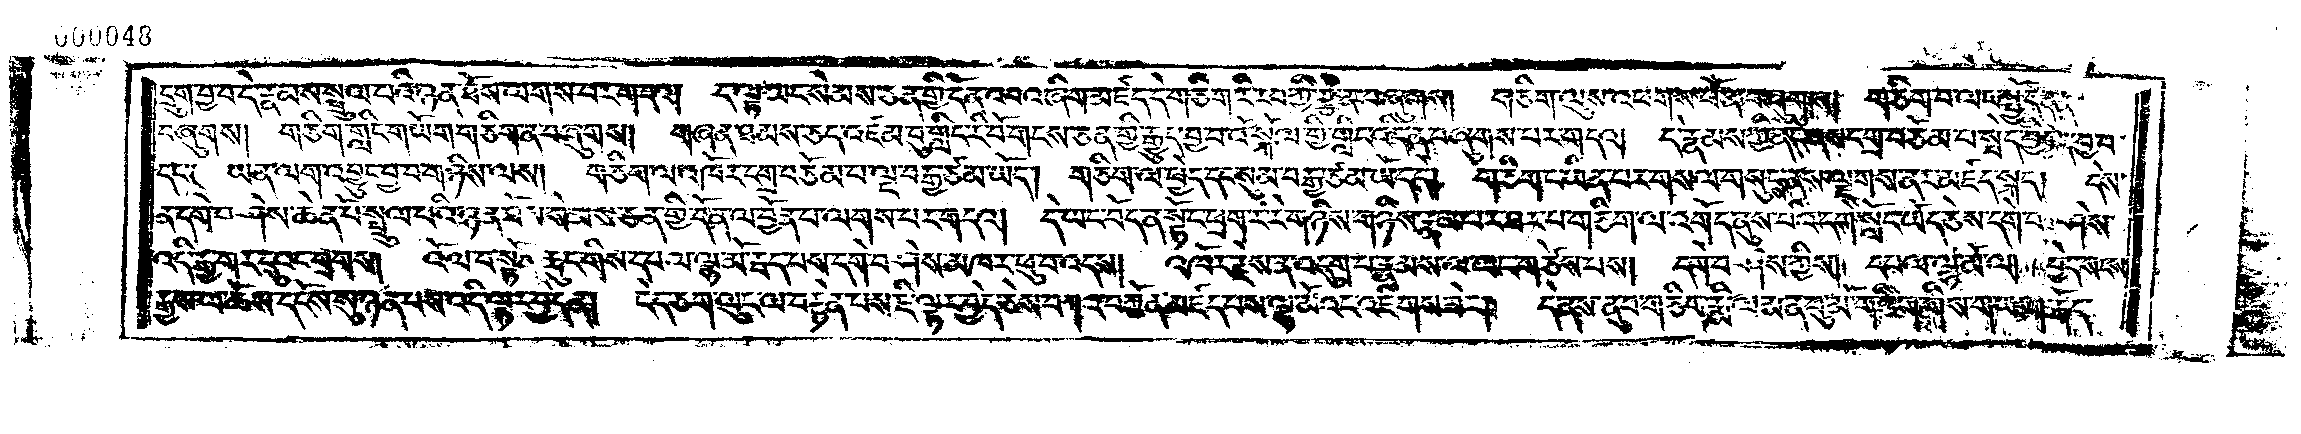དྲུག་བྱ་བ་དེ་རྣམས་སྤྲུལ་པའི་ཉན་ཐོས་ལགས་པར་གདའ། ད་ལྟ་ཡང་སེམས་ཅན་གྱི་དོན་འབའ་ཞིག་མཛད་དེ་གཅིག་རི་རབ་ཀྱི་རྩེ་ན་བཞུགས། གཅིག་ལུས་འཕགས་པོ་ན་བཞུགས། གཅིག་བ་ལང་སྤྱོད་ན་
བཞུགས། གཅིག་གླིང་གཡོག་གཅིག་ན་བཞུགས། གཞན་ཐམས་ཅད་འཛམ་བུ་གླིང་རི་བོ་གངས་ཅན་གྱི་རྒྱུད་བྱ་བ་འོ་སྐོལ་གྱི་གླིང་འདི་ན་བཞུགས་པར་གདའ། དེ་རྣམས་ཀྱི་ནང་ནས་དགྲ་བཅོམ་པ་སྤེད་བྱེད་བྱ་བ་
དང༑ ཡན་ལག་འབྱུང་བྱ་བ་གཉིས་ལས། གཅིག་ལ་འཁོར་དགྲ་བཅོམ་བ་ལྔ་བརྒྱ་ཙམ་ཡོད། གཅིག་ལ་ཕྱེད་དང་སུམ་བརྒྱ་ཙམ་ཡོད་དེ། གཅིག་ང་ཡིན་པར་གསལ་གསུངས་ནས་ལྗགས་ནར་མཛད་སྐད། དེས་
ན་དགེ་བཤེས་ཆེན་པོ་སྤྲུལ་པའི་ཉན་ཐོས་སེམས་ཅན་གྱི་དོན་ལ་བྱོན་པ་ལགས་པར་གདའ། དེ་ཡང་བོད་ན་སྟོང་ཕྲག་རེ་རེ་གཉིས་གཉིས་རྣམ་པར་ཐར་པ་གཅིག་ལ་འགོད་ནུས་པའི་དགེ་སློང་ཡོད་ཅེས་དགེ་བཤེས་
འདི་རྒྱ་གར་དུའང་གྲགས། འོལ་བ་སྟོན་ཆུང་གིས་དཔལ་ལྷ་མོ་རྦད་བས་དགེ་བཤེས་མཁར་ཕུ་བ་འདས། འཁོར་རྗེས་ན་འདུག་པ་རྣམས་ལ་ཡང་གཙེས་པས། དགེ་བཤེས་ཀྱིས། དཔལ་ལྷ་མོ་ལ། ཁྱེད་སངས་
རྒྱས་ལ་ཆོས་དངོས་སུ་ཉན་པས་འདི་ལྟར་བྱེད་ན། ངེད་ཅག་ལུང་ལ་བརྟེན་པས་ཇི་ལྟར་བྱེད་ཅེས་བཀའ་བཀྱོན་མཛད་པས་ལྷ་མོ་འང་འཇིགས་ཟེར། དེ་ནས་ནུབ་གཅིག་རྨི་ལམ་ན་བུ་མོ་གཅིག་གིས་གཡག་རྒོད་